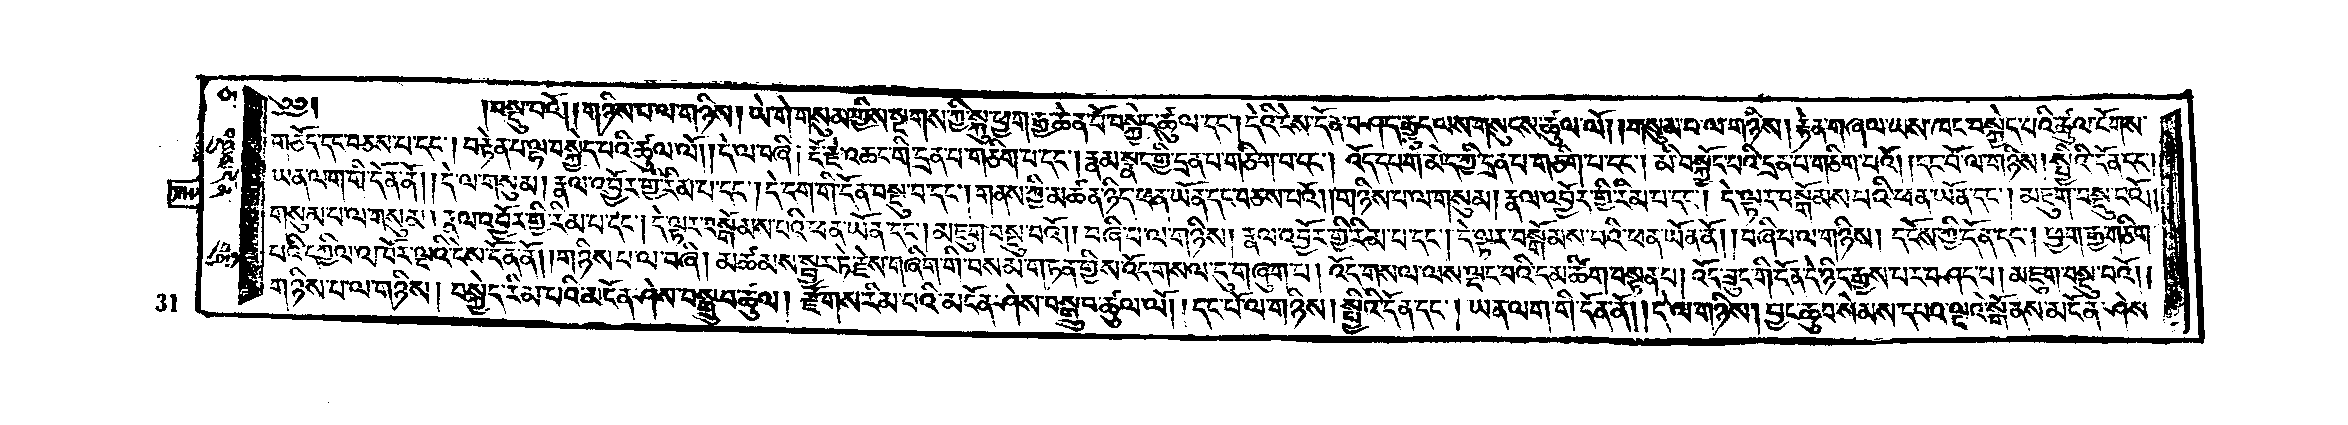༄༅། །བསྡུ་བའོ། །གཉིས་པ་ལ་གཉིས། ཡེ་གེ་གསུམ་གྱིས་སྔགས་ཀྱི་སྐུ་ཕྱག་རྒྱ་ཆེན་པོ་བསྐྱེད་ཚུལ་དང་། དེའི་ངེས་དོན་བཤད་རྒྱུད་ལས་གསུངས་ཚུལ་ལོ། །གསུམ་པ་ལ་གཉིས། རྟེན་གཞལ་ཡས་ཁང་བསྐྱེད་པའི་ཚུལ་དོགས་
གཅོད་དང་བཅས་པ་དང་། བརྟེན་པ་ལྷ་བསྐྱེད་པའི་ཚུལ་ལོ། །དེ་ལ་བཞི། རྡོ་རྗེ་འཆང་གི་དྲན་པ་གཅིག་པ་དང་། རྣམ་སྣང་གྱི་དྲན་པ་གཅིག་པ་དང་། འོད་དཔག་མེད་ཀྱི་དྲན་པ་གཅིག་པ་དང་། མི་བསྐྱོད་པའི་དྲན་པ་གཅིག་པའོ། །དང་པོ་ལ་གཉིས། སྤྱིའི་དོན་དང་།
ཡན་ལག་གི་དོན་ནོ། །དེ་ལ་གསུམ། རྣལ་འབྱོར་གྱི་རིམ་པ་དང་། དེ་དག་གི་དོན་བསྡུ་བ་དང་། གནས་ཀྱི་མཚན་ཉིད་ཕན་ཡོན་དང་བཅས་པའོ། །གཉིས་པ་ལ་གསུམ། རྣལ་འབྱོར་གྱི་རིམ་པ་དང་། དེ་ལྟར་བསྒོམས་པའི་ཕན་ཡོན་དང་། མཇུག་བསྡུ་བའོ། །
གསུམ་པ་ལ་གསུམ། རྣལ་འབྱོར་གྱི་རིམ་པ་དང་། དེ་ལྟར་བསྒོམས་པའི་ཕན་ཡོན་དང་། མཇུག་བསྡུ་བའོ། །བཞི་པ་ལ་གཉིས། རྣལ་འབྱོར་གྱི་རིམ་པ་དང་། དེ་ལྟར་བསྒོམས་པའི་ཕན་ཡོན་ནོ། །བཞི་པ་ལ་གཉིས། དངོས་ཀྱི་དོན་དང་། ཕྱག་རྒྱ་གཅིག་
པའི་དཀྱིལ་འཁོར་ལྔའི་ངེས་དོན་ནོ། །གཉིས་པ་ལ་བཞི། མཚམས་སྦྱར་ཏེ་རྗེས་གཞིག་གི་བསམ་གཏན་གྱིས་འོད་གསལ་དུ་གཞུག་པ། འོད་གསལ་ལས་ལྡང་བའི་དམ་ཚིག་བསྟན་པ། འོད་ཟུང་གི་དོན་དེ་ཉིད་རྒྱས་པར་བཤད་པ། མཇུག་བསྡུ་བའོ། །
གཉིས་པ་ལ་གཉིས། བསྐྱེད་རིམ་པའི་མངོན་ཤེས་བསྒྲུབ་ཚུལ། རྫོགས་རིམ་པའི་མངོན་ཤེས་བསྒྲུབ་ཚུལ་ལོ། །དང་པོ་ལ་གཉིས། སྤྱིའི་དོན་དང་། ཡན་ལག་གི་དོན་ནོ། །དེ་ལ་གཉིས། བྱང་ཆུབ་སེམས་དཔའ་ལྔའི་སྒོ་ནས་མངོན་ཤེས་